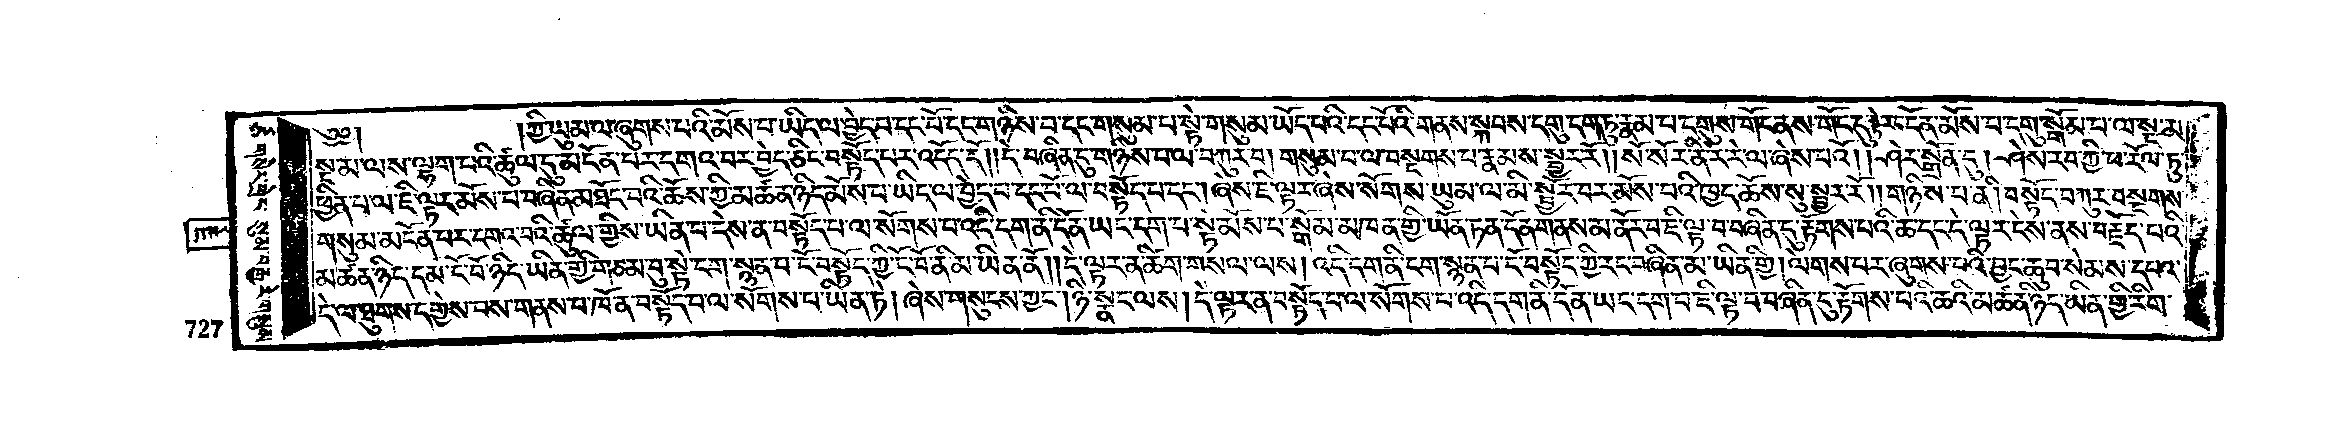༄༅། །ཀྱི་ཡུམ་ལ་ཞུགས་པའི་མོས་པ་ཡིད་ལ་བྱེད་པ་དང་པོ་དང་གཉིས་པ་དང་གསུམ་པ་སྟེ་གསུམ་ཡོད་པའི་དང་པོའི་གནས་སྐབས་དགུ་དག་ཏུ་རྣམ་པ་དགུས་གོང་ནས་གོང་དུ་སྟེ་རང་དོན་མོས་པ་དགུ་སྒོམ་པ་ལ་སྔ་མ་
སྔ་མ་ལས་ལྷག་པའི་ཚུལ་དུ་མངོན་པར་དགའ་བར་བྱེད་ཅིང་བསྟོད་པར་འདོད་དོ། །དེ་བཞིན་དུ་གཉིས་པ་ལ་བཀུར་བ། གསུམ་པ་ལ་བསྔགས་པ་རྣམས་སྦྱར་རོ། །སོ་སོར་ནི་རེ་རེ་ལ་ཞེས་པའོ། །ཤེར་སྒྲོན་དུ། ཤེས་རབ་ཀྱི་ཕ་རོལ་ཏུ་
ཕྱིན་པ་ལ་ཇི་ལྟར་མོས་པ་བཞིན་མཐོང་བའི་ཆོས་ཀྱི་མཚན་ཉིད་མོས་པ་ཡིད་ལ་བྱེད་པ་དང་པོ་ལ་བསྟོད་པ་དང་། ཞེས་ཇི་ལྟར་ཞེས་སོགས་ཡུམ་ལ་མི་སྦྱོར་བར་མོས་པའི་ཁྱད་ཆོས་སུ་སྦྱར་རོ། །གཉིས་པ་ནི། བསྟོད་བཀུར་བསྔགས་
གསུམ་མངོན་པར་དགའ་བའི་ཚུལ་གྱིས་ཡིན་པ་དེས་ན་བསྟོད་པ་ལ་སོགས་པ་འདི་དག་ནི་དོན་ཡང་དག་པ་སྟེ་མོས་པ་སྒོམ་མཁན་གྱི་ཡོན་ཏན་དོན་གནས་མ་ནོར་བ་ཇི་ལྟ་བ་བཞིན་དུ་རྟོགས་པའི་ཆ་དང་དེ་ལྟར་ངེས་ནས་བརྗོད་པའི་
མཚན་ཉིད་དམ་ངོ་བོ་ཉིད་ཡིན་གྱི་གཅམ་བུ་སྟེ་ངག་སྙན་པ་ངོ་བསྟོད་ཀྱི་ངོ་བོ་ནི་མ་ཡིན་ནོ། །དེ་ལྟར་ན་ཚིག་གསལ་ལས། འདི་དག་ནི་ངག་སྙན་པ་ངོ་བསྟོད་ཀྱི་རང་བཞིན་མ་ཡིན་གྱི། ལེགས་པར་ཞུགས་པའི་བྱང་ཆུབ་སེམས་དཔའ་
དེ་ལ་ཐུགས་དགྱེས་པས་གནས་པ་ཁོ་ན་བསྟོད་པ་ལ་སོགས་པ་ཡིན་ཏེ། ཞེས་གསུངས་ཀྱང་། ཉི་སྣང་ལས། དེ་ལྟར་ན་བསྟོད་པ་ལ་སོགས་པ་འདི་དག་ནི་དོན་ཡང་དག་པ་ཇི་ལྟ་བ་བཞིན་དུ་རྟོགས་པའི་ཆའི་མཚན་ཉིད་ཡིན་གྱི་རིག་